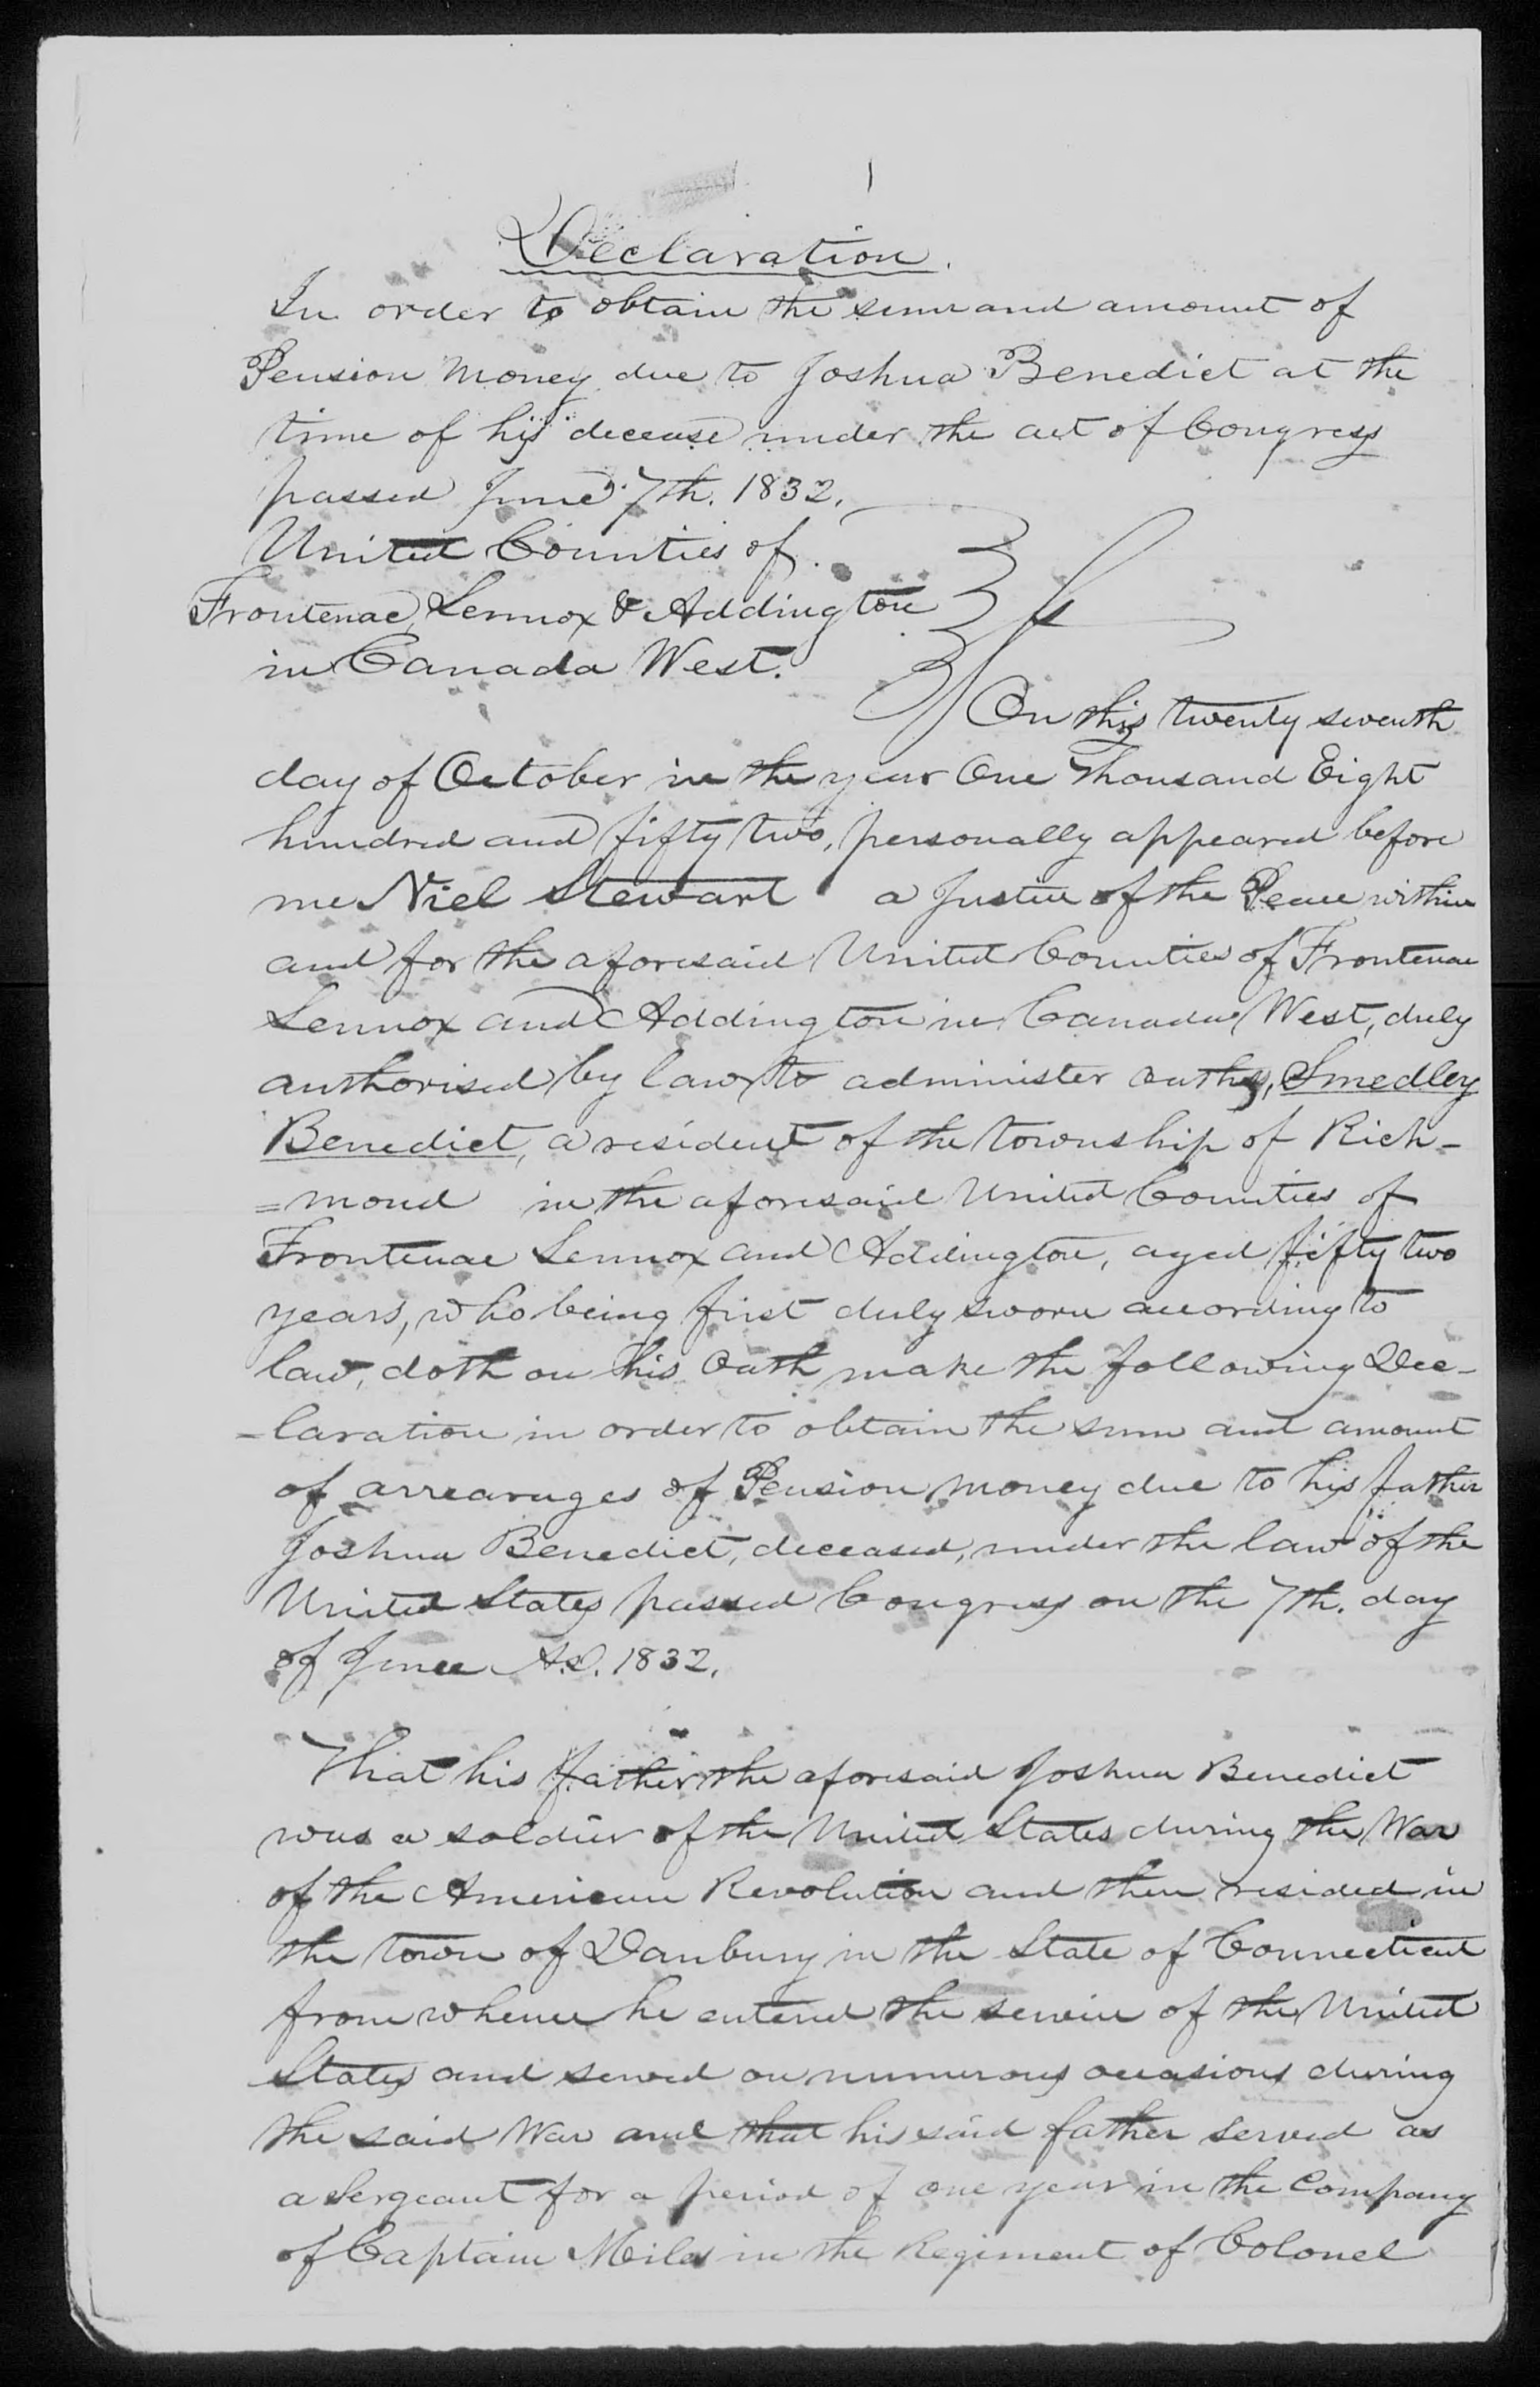Declaration.
In order to obtain the sums and amount of Pension money due to Joshua Benedict at the time of his decease under the act of Congress passed June 7th. 1832.
United Counties of
Frontenac Lennox & Addington
in Canada West. } Ss

On this twenty seventh day of October in the year One Thousand Eight hundred and fifty two, personally appeared before me Niel Stewart a Justice of the Peace within and for the aforesaid United Counties of Frontenac Lennox and Addington in Canada West, duly authorized by law to administer oaths, Smedley Benedict, a resident of the township of Richmond in the aforesaid United Counties of Frontenac Lennox and Addington, aged fifty two years, who being first duly sworn according to law, doth on his oath make the following Declaration in order to obtain the sum and amount of arrearages of Pension money due to his father Joshua Benedict, deceased, under the law of the United States passed Congress on the 7th. day of June A.D. 1832.
That his father the aforesaid Joshua Benedict was a soldier of the United States during the War of the American Revolution and then resided in the town of Danbury in the State of Connecticut from whence he entered the service of the United States and served on numerous occasions during the said War and that his said father served as a Sergeant for a period of one year in the Company of Captain Miles in the Regiment of Colonel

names: Joshua Benedict, Niel Stewart, Smedley Benedict, Joshua Benedict, Joshua Benedict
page: 25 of 106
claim: survivor's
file: S 23,116., Joshua Benedict, Conn.